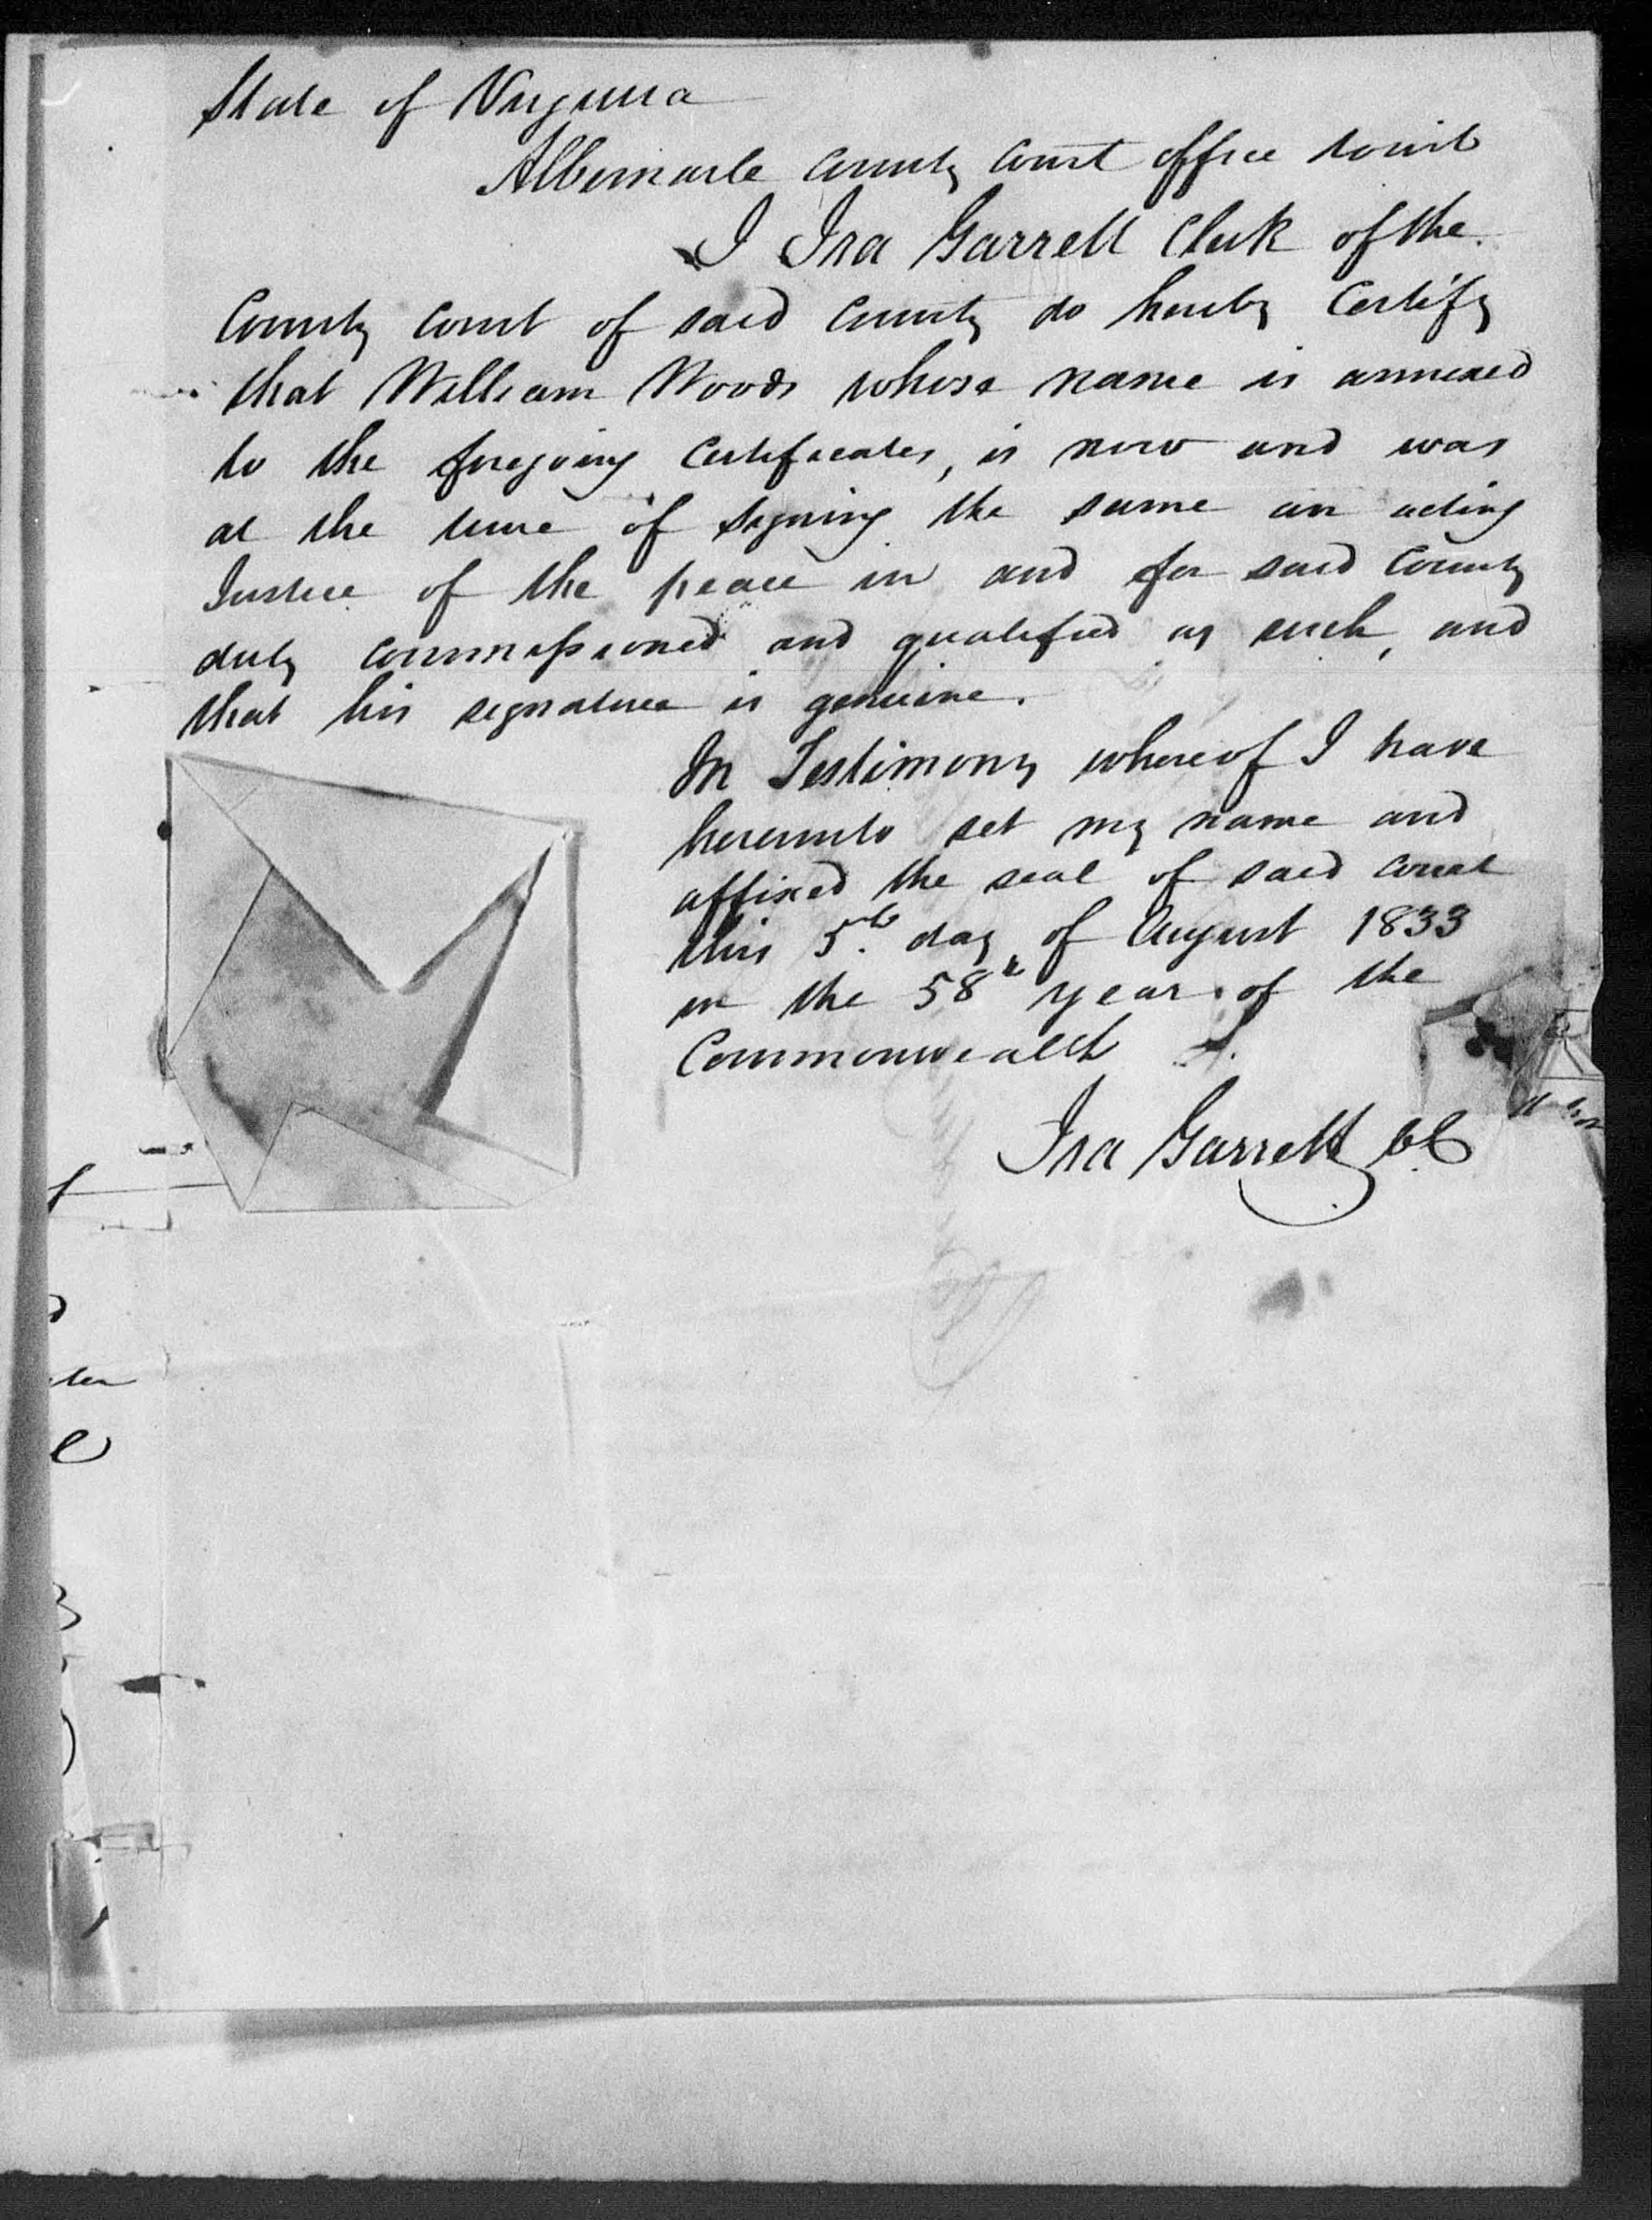State of Virginia
Albemarle county court office to wit

I Ira Garrell clerk of the county court of said county do hereby certify that William Woods whose name is annexed to the foregoing certificates, is now and was at the time of signing the same an acting Justice of the peace in and for said county duly commissioned and qualified as such, and that his signature is genuine.

In Testimony whereof I have hereunto set my name and affixed the seal of said court this 5th day of August 1833 in the 58th year of the commonwealth
Ira Garrett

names: William Woods, Ira Garrett, Ira Garrett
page: 27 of 71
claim: widow's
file: W. 25310, Claudius Buster, Va.